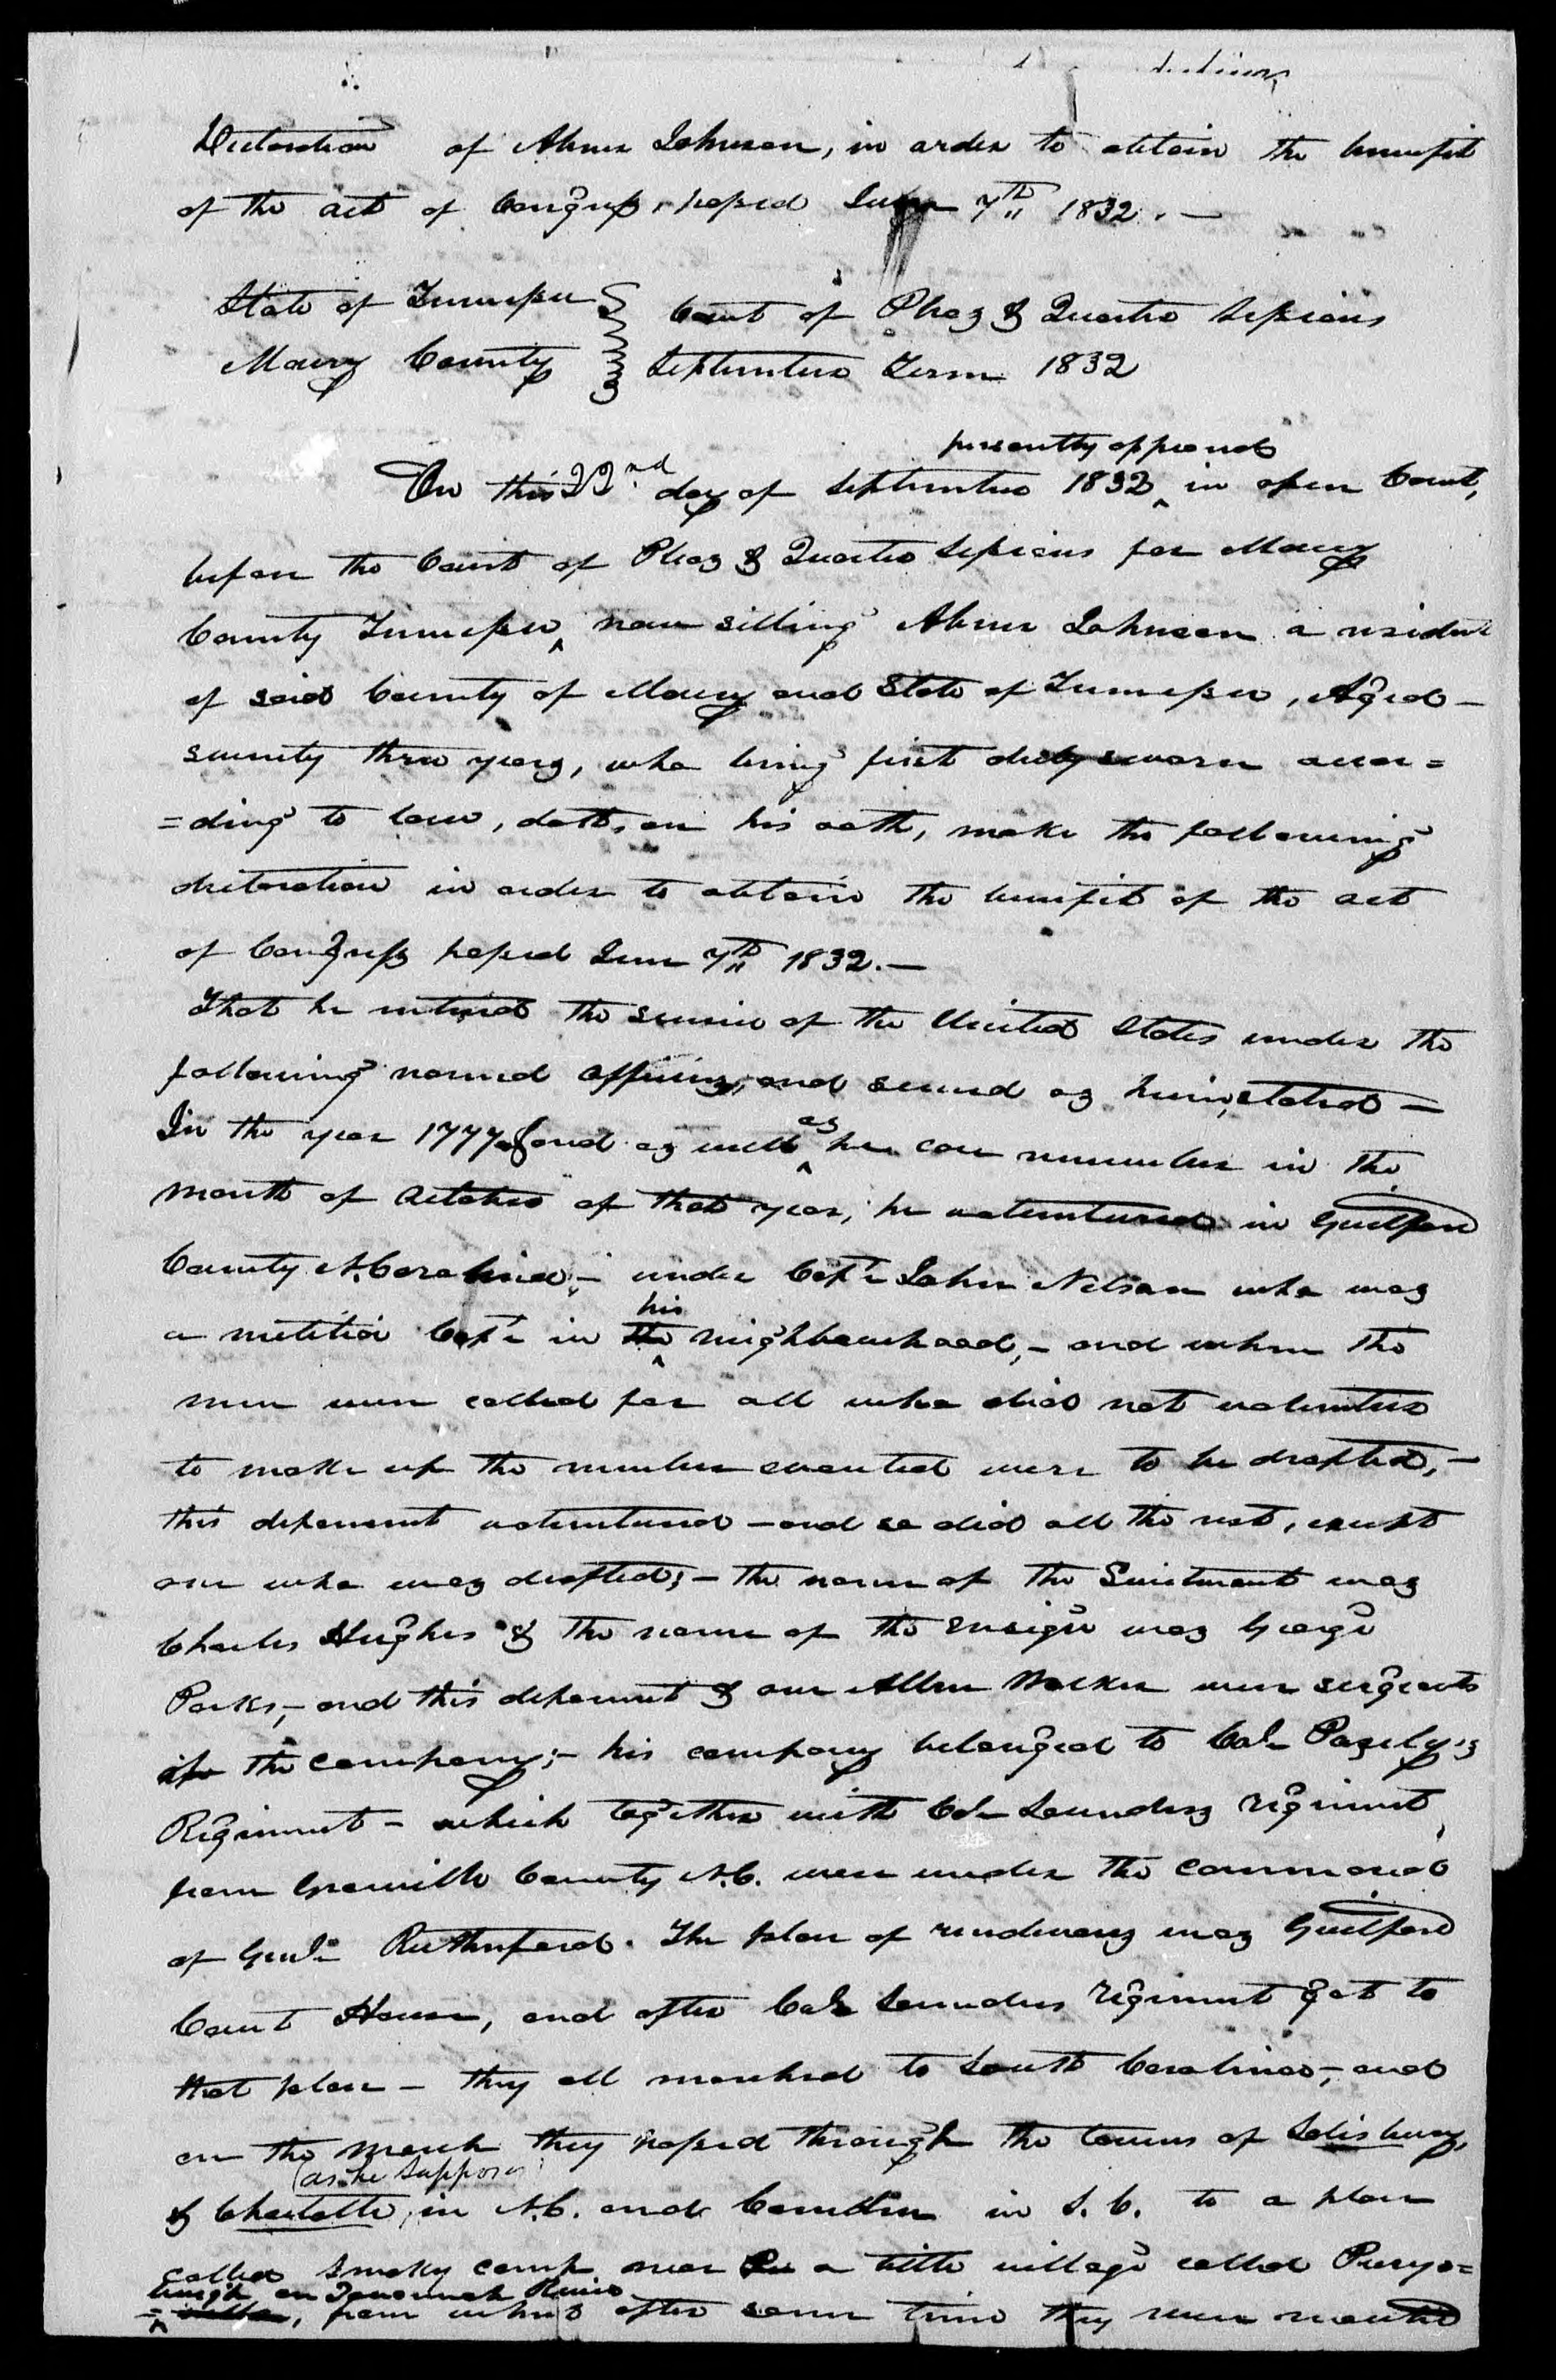State of Tennessee
Maury County: Court of Pleas & Quarter Sessions September Term 1832 
     On this 22nd day of September 1832 personally appeared in open Court, before the Court of Pleas & Quarter Sessions for Maury County Tennessee now sitting Abner Johnson a resident of said County of Maury and State of Tennessee, Aged seventy-three years, who being first duly sworn according to law, doth on his oath, make the following declaration in order to obtain the benefit of the act of Congress passed June 7th, 1832. He entered the service of the United States under the following named officers and served 
as herein stated -- In the year 1777 (and as well as he can remember in the month of October of that year) he volunteered in Guilford County North Carolina under Captain John Nelson who was a militia Captain in his neighborhood, -- and when the men were called for all who did not volunteer to make up the number wanted were to be drafted, -- this deponent volunteered -- and as did all the rest, except one who was drafted -- the name of the Lieutenant was Charles Hughes 
& the name of the Ensign was George Parks, -- and this deponent & one Allen Walker were 
sergeants of the company; -- his company belonged to Colonel Paisley's Regiment -- which together with Colonel Saunders’ Regiment from Granville County NC were under the command of General Rutherford.  The place of rendezvous was Guilford Court House, and after Colonel Saunders’ Regiment got to that place -- they all marched to South Carolina, -- and on the march they passed through the towns of Salisbury & Charlotte (as he supposes) N.C. and Camden in S.C. to a place called Smokey Camp near a little village called Purrysburg on Savannah River, from which after some time, they were marched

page: 12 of 27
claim: rejected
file: R. 5649, for Abner Johnson, North Carolina